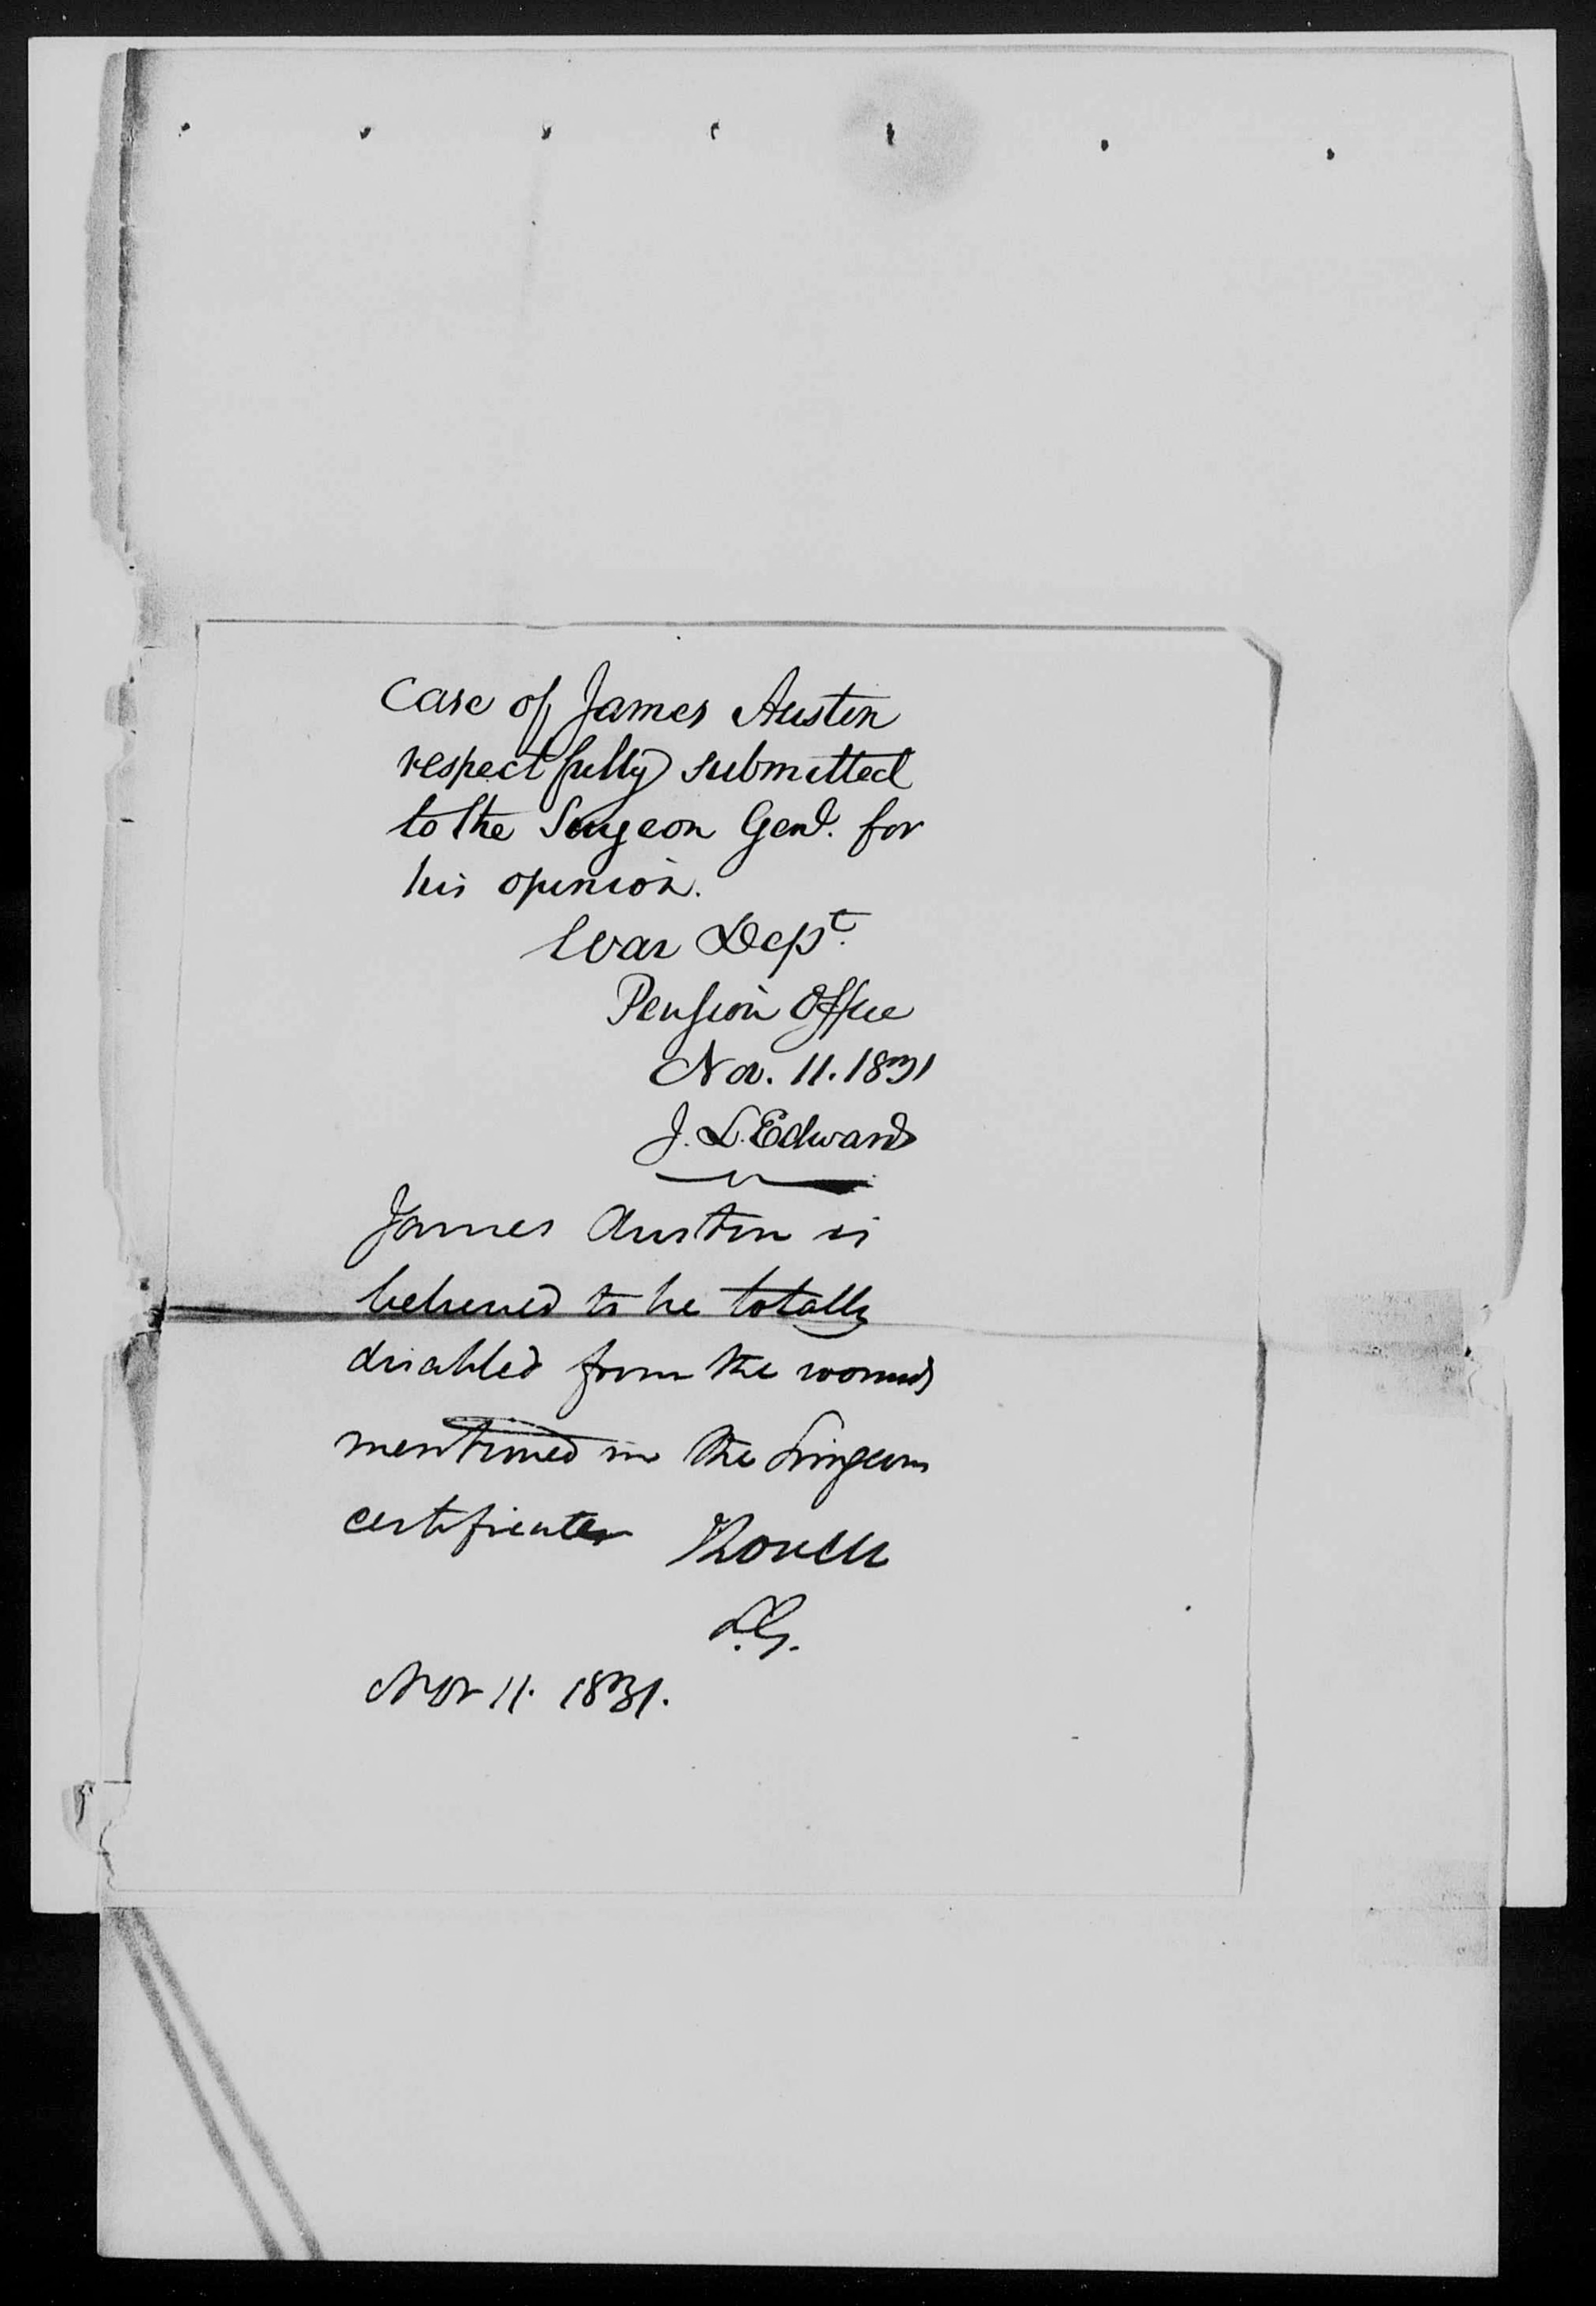Case of James Austin
respectfully submitted
to the Surgeon Genl. for
his opinion
War Dept
Pension Office
Nov 11.1891
J L Edwards
[underscore]

James Austin is believed to be totally disabled from the wounds mentioned in the signed certificate
[illegible signature]
S.G. [surgeon general?]
Nov 11. 1831.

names: James Austin, J L Edwards, James Austin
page: 55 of 100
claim: survivor's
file: S 19186, James Austin, Conn. New York R.I.